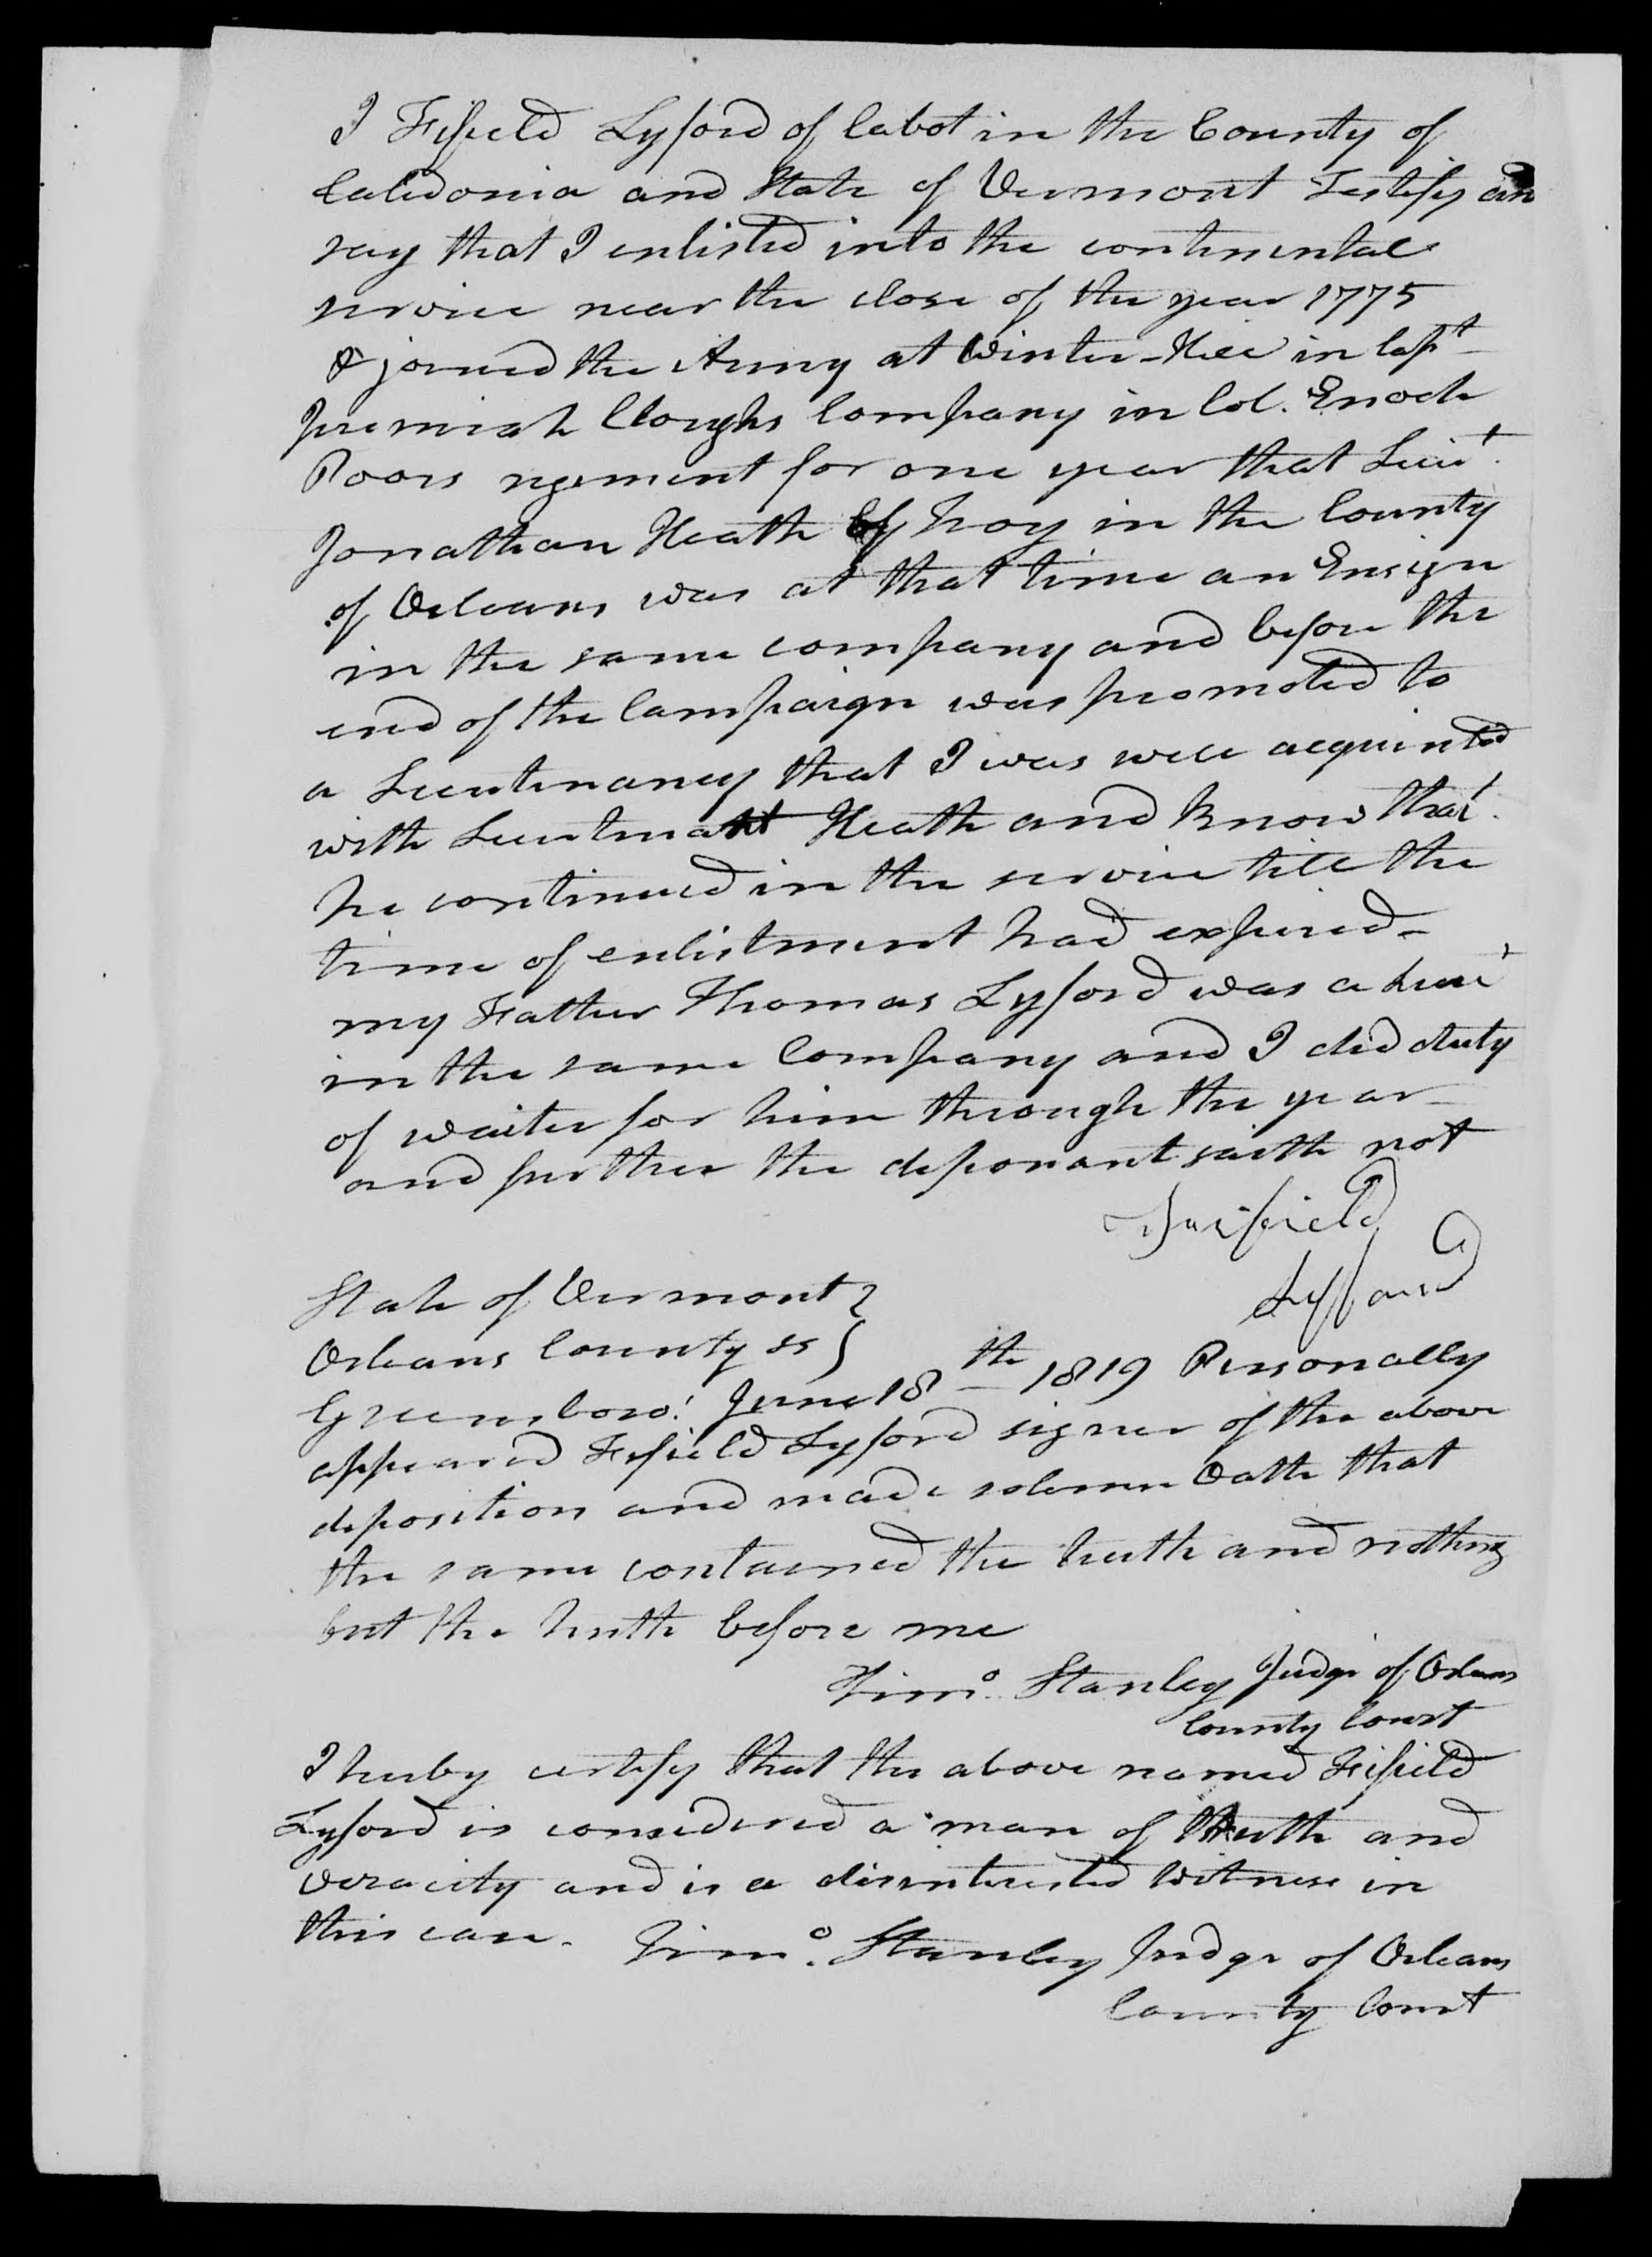I Frifield Lyford of Cabot in the County of
Caledonia and State of Vermont testify and
say that I enlisted into the continental
service near the close of the year 1775 & joined the Army at Winter in Capt Jeremiah Cloughs Company in Col. Enoch Poors regiment for one year that Lieut Jonathan Heath of Troy in the County of Orleans was at that time an Ensign
in the same company and before the end of the campaign was promoted to a Lieutenancy that I was well acquitted with Lieutenant Heath and know that he continued in the service till the time of enlistment had expired my Father Thomas Lyford was a hire in the same company and I did duly waiter for him through the year and further the deponent saith not
                                           Frifield Lyford

State of Vermont}
Orleans County ss}
Greensboro June 18th 1819 Personally
appeared Frifield Lyford signer of the above
deposition and made solemn oath that the
same contained the truth and nothing
but the truth before me
Timothy Stanley Judge of Orleans County Court

I hereby certify that the above named Frifield
Lyford is considered a man of truth and veracity  is a disinterested witness in this case 
Timothy Stanley Judge of Orleans County Court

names: Fifield Lyford, Fifield Lyford, Thomas Lyford, Jonathan Heath, Timo Stanley, Fifield Lyford, Fifield Lyford, Timo Stanley, Heath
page: 14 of 22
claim: survivor's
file: S. 38821, Jonathan Heath, Continental N.H.